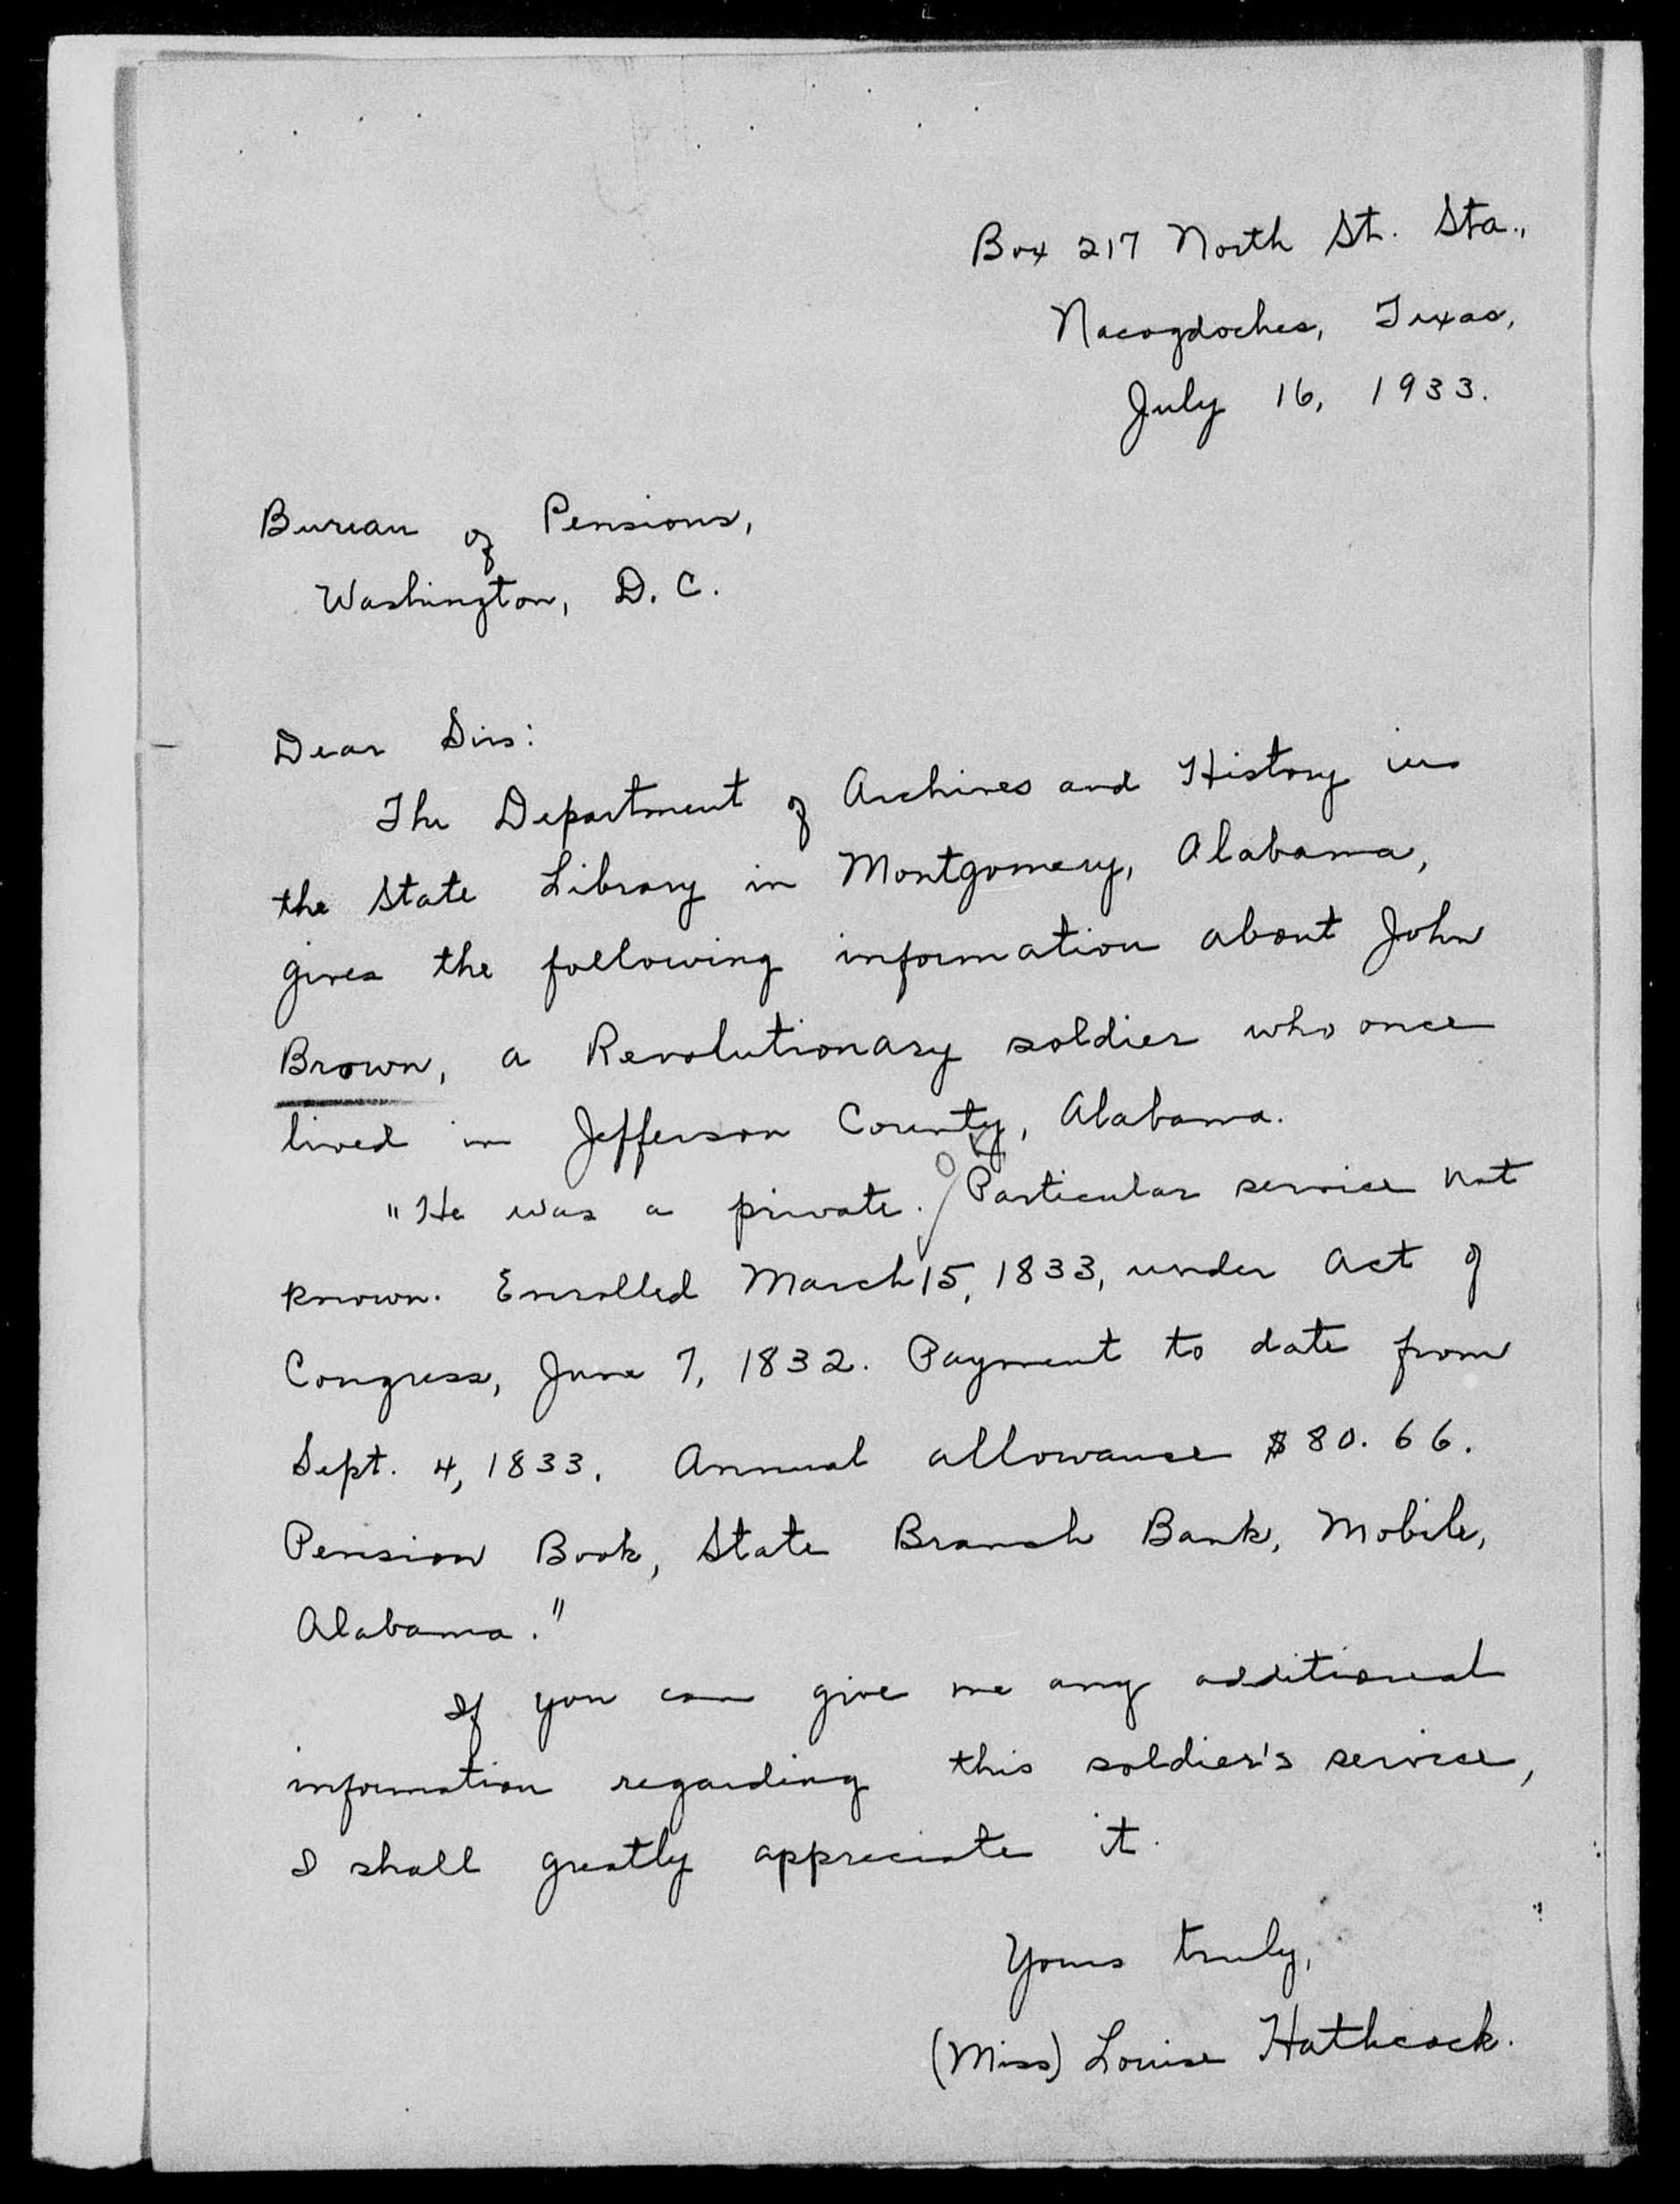Box 217 North St. Sta.
Nacogdoches, Texas
July 16, 1933
Bureau of Pensions
Washington, D.C.
Dear Sirs:
The Department of Archives and
the State History Library in Montgomery, Alabama gives the following information about John
Brown, a Revolutionary soldier who once lived in Jefferson County,
Alabama
He was a private particular service not known. Enrolled March 15, 1833 under act of Congress, June 7, 1832. Payment to date from Sept. 4, 1833, Annual allowance $80.66
Pension Book, State Branch Bank, Mobile, Alabama
If you can give me any additional
information regarding this soldier's service I shall greatly appreciate it
Yours truly
(Miss) Louise Hathcock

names: Louise Hathcock, John Brown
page: 42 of 85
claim: widow's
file: W. 5,906, John Brown, S.C.